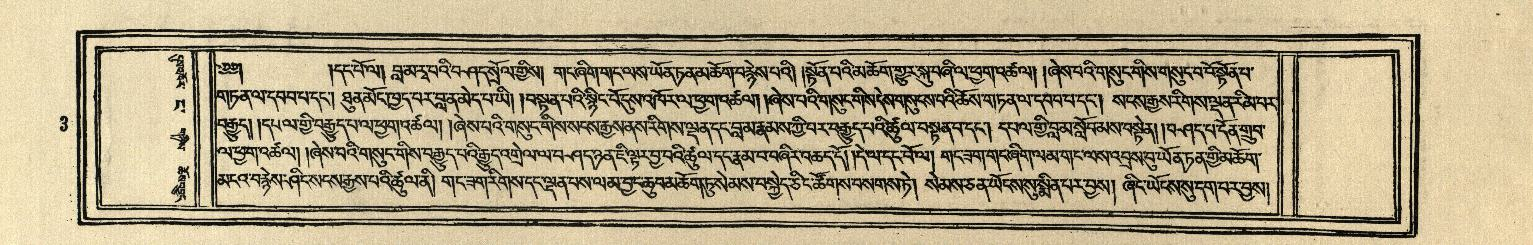༄༅། །དང་པོ་ལ། བླ་མ་རྭ་པའི་བཤད་སྲོལ་གྱིས། གང་ཞིག་གང་ལས་ཡོན་ཏན་མཆོག་བརྙེས་པའི། །སྟོན་པའི་མཆོག་གྱུར་སྐུ་བཞི་ལ་ཕྱག་འཚལ། །ཞེས་པའི་གསུང་གིས་གསུང་བ་པོ་སྟོན་པ་
གཏན་ལ་དབབ་པ་དང་། ཐུན་མོང་ཁྱད་པར་བླ་ན་མེད་པ་ཡི། །བསྟན་པའི་སྙིང་པོ་དུས་འཁོར་ལ་ཕྱག་འཚལ། །ཞེས་པའི་གསུང་གིས་དེས་གསུངས་པའི་ཆོས་གཏན་ལ་དབབ་པ་དང་། སངས་རྒྱས་རིགས་ལྡན་རིམ་པར་
བརྒྱུད། །དཔལ་གྱི་བརྒྱུད་པ་ལ་ཕྱག་འཚལ། །ཞེས་པའི་གསུང་གིས་སངས་རྒྱས་ནས་རིགས་ལྡན་དང་བླ་མ་རྣམས་ཀྱི་བར་བརྒྱུད་པའི་ཚུལ་བསྟན་པ་དང་། དཔལ་གྱི་བླ་མ་སློབ་མས་བསྟེན། །བཤད་པ་དོན་གྲུབ་
ལ་ཕྱག་འཚལ། །ཞེས་པའི་གསུང་གིས་བརྒྱུད་པའི་རྒྱུད་འགྲེལ་ལ་བཤད་ཉན་ཇི་ལྟར་བྱ་བའི་ཚུལ་དང་རྣམ་པ་བཞིར་འཆད་དོ། །དེ་ལ་དང་པོ་ལ། གང་ཟག་གང་ཞིག་ལམ་གང་ལས་འབྲས་བུ་ཡོན་ཏན་གྱི་མཆོག་
མངའ་བརྙེས་ཤིང་སངས་རྒྱས་པའི་ཚུལ་ནི། གང་ཟག་རིགས་དང་ལྡན་པས་ལམ་བྱང་ཆུབ་མཆོག་ཏུ་སེམས་བསྐྱེད་ཅིང་ཚོགས་བསགས་ཏེ། སེམས་ཅན་ཡོངས་སུ་སྨིན་པར་བྱས། ཞིང་ཡོངས་སུ་དག་པར་བྱས།